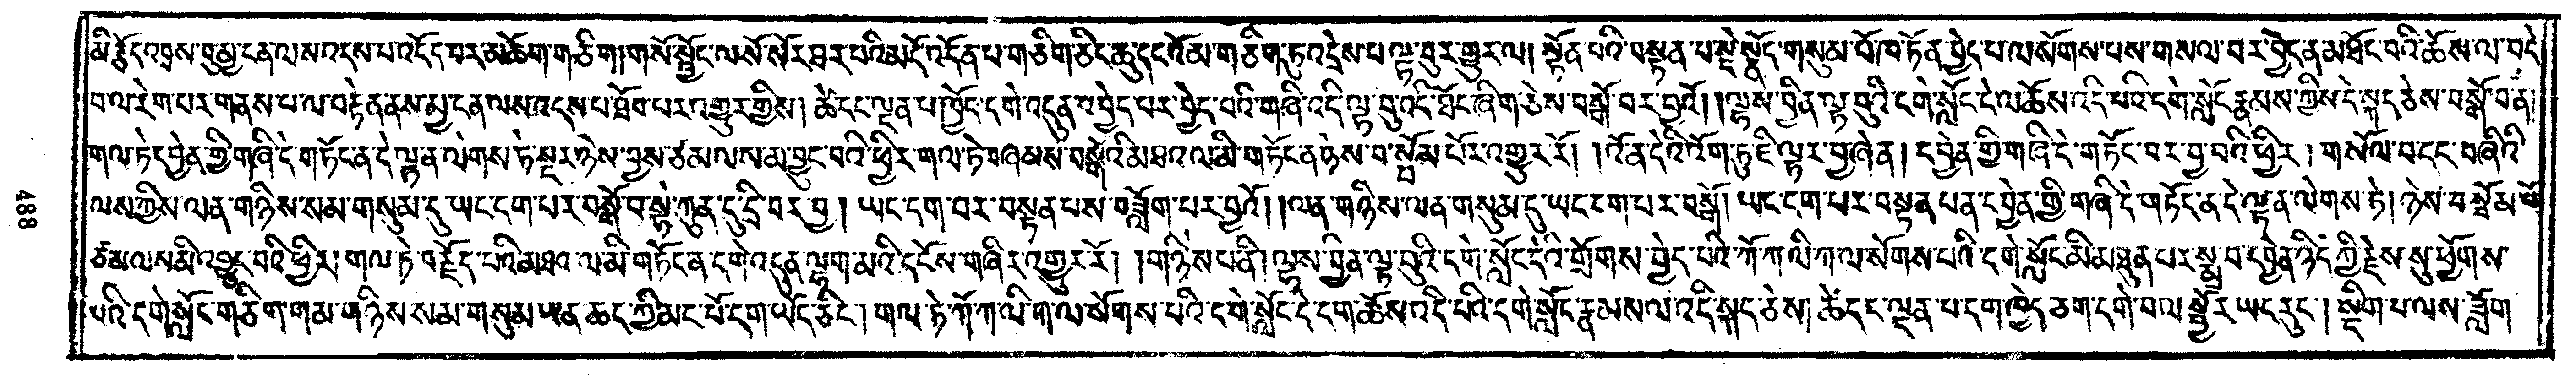མི་རྩོད་འབྲས་བུ་མྱ་ངན་ལས་འདས་པ་འདོད་པར་མཆོག་གཅིག། གསོ་སྦྱོང་ལ་སོ་སོར་ཐར་པའི་མདོ་འདོན་པ་གཅིག་ཅིང་ཆུ་དང་འོམ་གཅིག་ཏུ་འདྲེས་པ་ལྟ་བུར་གྱུར་ལ། སྟོན་པའི་བསྟན་པ་སྡེ་སྣོད་གསུམ་པོ་ཁ་ཏོན་བྱེད་པ་ལ་སོགས་པས་གསལ་བར་བྱེད་ན་མཐོང་བའི་ཆོས་ལ་བདེ་
བ་ལ་རེག་པར་གནས་པ་ལ་བརྟེན་ནས་མྱ་ངན་ལས་འདས་པ་ཐོབ་པར་འགྱུར་གྱིས། ཚེ་དང་ལྡན་པ་ཁྱོད་དགེ་འདུན་འབྱེད་པར་བྱེད་པའི་གཞི་འདི་ལྟ་བུ་འདི་ཐོང་ཞིག་ཅེས་བསྒོ་བར་བྱའོ། །ལྷས་བྱིན་ལྟ་བུའི་དགེ་སློང་དེ་ལ་ཆོས་འདི་པའི་དགེ་སློང་རྣམས་ཀྱིས་དེ་སྐད་ཅེས་བསྒོ་བ་ན།
གལ་ཏེ་དབྱེན་གྱི་གཞི་དེ་གཏོང་ན་དེ་ལྟ་ན་ལེགས་ཏེ་སྔར་ཉེས་བྱས་ཙམ་ལས་མ་བྱུང་བའི་ཕྱིར་གལ་ཏེ་བཞམས་བསྒོའི་མཐའ་ལ་མི་གཏོང་ན་ཉེས་པ་སྦོམ་པོར་འགྱུར་རོ། །འོ་ན་དེའི་འོག་ཏུ་ཇི་ལྟར་བྱ་ཞེ་ན། དབྱེན་གྱི་གཞི་དེ་གཏོང་བར་བྱ་བའི་ཕྱིར། གསོལ་བ་དང་བཞིའི་
ལས་ཀྱིས་ལན་གཉིས་སམ་གསུམ་དུ་ཡང་དག་པར་བསྒོ་བ་སྟེ་ཀུན་དུ་དྲི་བར་བྱ། ཡང་དག་པར་བསྟན་པས་བཟློག་པར་བྱའོ། །ལན་གཉིས་ལན་གསུམ་དུ་ཡང་དག་པར་བསྒོ། ཡང་དག་པར་བསྟན་པ་ན་དབྱེན་གྱི་གཞི་དེ་གཏོད་ན་དེ་ལྟན་ལེགས་ཏེ། ཉེས་བ་སྦོམ་བོ་
ཙམ་ལས་མི་འབྱུང་བའི་ཕྱིར། གལ་ཏེ་བརྗོད་པའི་མཐའ་ལ་མི་གཏོང་ན་དགེ་འདུན་ལྷག་མའི་དངོས་གཞིར་འགྱུར་རོ། །གཉིས་པ་ནི། ལྷས་བྱིན་ལྟ་བུའི་དགེ་སློང་དེའི་གྲོགས་བྱེད་པའི་ཀོ་ཀ་ལི་ཀ་ལ་སོགས་པའི་དགེ་སློང་མི་མཐུན་པར་སྨྲ་བ་དབྱེན་ཉིད་ཀྱི་རྗེས་སུ་ཕྱོགས་
པའི་དགེ་སློང་གཅིག་གམ་གཉིས་སམ་གསུམ་ཡན་ཆད་ཀྱི་མང་པོ་དག་ཡོད་ཅིང་། གལ་ཏེ་ཀོ་ཀ་ལི་ཀ་ལ་སོགས་པའི་དགེ་སློང་དེ་དག་ཆོས་འདི་བའི་དགེ་སློང་རྣམས་ལ་འདི་སྐད་ཅེས། ཚེ་དང་ལྡན་པ་དག་ཁྱེད་ཅག་དགེ་བལ་སྦྱོར་ཡང་རུང་། སྡིག་པ་ལས་ཟློག་